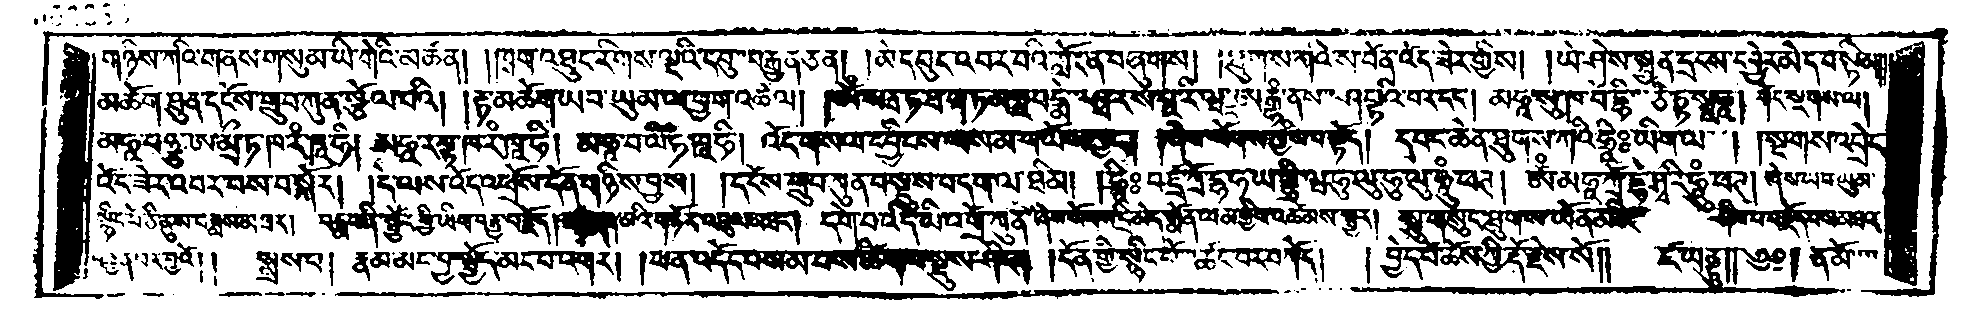གཉིས་ཀའི་གནས་གསུམ་ཡི་གེའི་མཚན། །ཁྲག་འཐུང་རིགས་ལྔའི་དབུ་བརྒྱན་ཅན། །མེ་དཔུང་འབར་བའི་ཀློང་ན་བཞུགས། །ཐུགས་ཀའི་ས་བོན་འོད་ཟེར་གྱིས། །ཡེ་ཤེས་སྤྱན་དྲངས་དབྱེར་མེད་བསྟིམ། །
མཆོག་ཐུན་དངོས་གྲུབ་ཀུན་སྩོལ་བའི། །རྟ་མཆོག་ཡབ་ཡུམ་ལ་ཕྱག་འཚལ། །ཨོཾ་སརྦ་ཏ་ཐ་ག་ཏ་མཧཱ་པདམེ་ཤྭ་ར་ས་པཱ་རི་ཝ་ར་ཨརྒྷཾ་ནས་ཤཔྟའི་བར་དང་།  མཧཱ་སུ་ཁ་བོ་དྷི་ཙི་ཏྟ་སྭཱཧཱ། གོང་སྔགས་ལ།
མཧཱ་པཉྩ་ཨ་མྲྀ་ཏ་ཁ་རཾ་ཁཱ་ཧི། མཧཱ་རཀྟ་ཁ་རཾ་ཁཱ་ཧི། མཧཱ་པ་ལི་ཏཾ་ཁཱ་ཧི། འོད་གསལ་དབྱིངས་ལས་མ་གཡོས་ཀྱང་། །ཞེས་སོགས་ཀྱིས་བསྟོད།  དབང་ཆེན་ཐུགས་ཀའི་ཧྲཱིཿ ཡིག་ལ། །སྔགས་འཕྲེང་
འོད་ཟེར་འབར་བས་བསྐོར། །དེ་ལས་འོད་འཕྲོས་དོན་གཉིས་བྱས། །དངོས་གྲུབ་ཀུན་བསྡུས་བདག་ལ་ཐིམ། །ཧྲཱིཿ བཛྲ་ཀྲོ་དྷ་ཧ་ཡ་གྷྲི་ཝ་ཧུ་ལུ་ཧུ་ལུ་ཧཱུཾ་ཕཊ། ཨོཾ་མཧཱ་ཀྲོ་དྷེ་ཤྭ་རི་ཧཱུཾ་ཕཊ། ཞེས་ཡབ་ཡུམ་
སྙིང་པོ་ཅི་ནུས་བཟླས་མཐར། པདམ་བཞི་སྦྱོར་གྱི་ཡིག་བརྒྱ་བརྗོད། ཀ་དག་མའི་གཏོར་འབུལ་མཐར། དགེ་བ་འདི་ཡི་འགྲོ་ཀུན་ཞེས་སོགས་དྲི་མེད་སྨོན་ལམ་གྱིས་འཚམས་སྦྱར།  སྐུ་གསུང་ཐུགས་ཡོན་མའི་ཤིས་པ་བརྗོད་པས་མཐའ་
བརྒྱན་པར་བྱའོ། །སྨྲ་པ། རྣམ་མང་བྱ་སྤྱོད་མང་བ་འགར། །ཕན་འདོད་བསམ་པས་ཚིག་བསྡུས་ཤིང་། །དོན་གྱི་སྙིང་པོ་ཚང་བར་བཀོད། །བྱེད་པོ་ཆོས་ཀྱི་རྡོ་རྗེས་སོ། །ཛ་ཡནྟུ། ། ༄༅། ན་མོ་